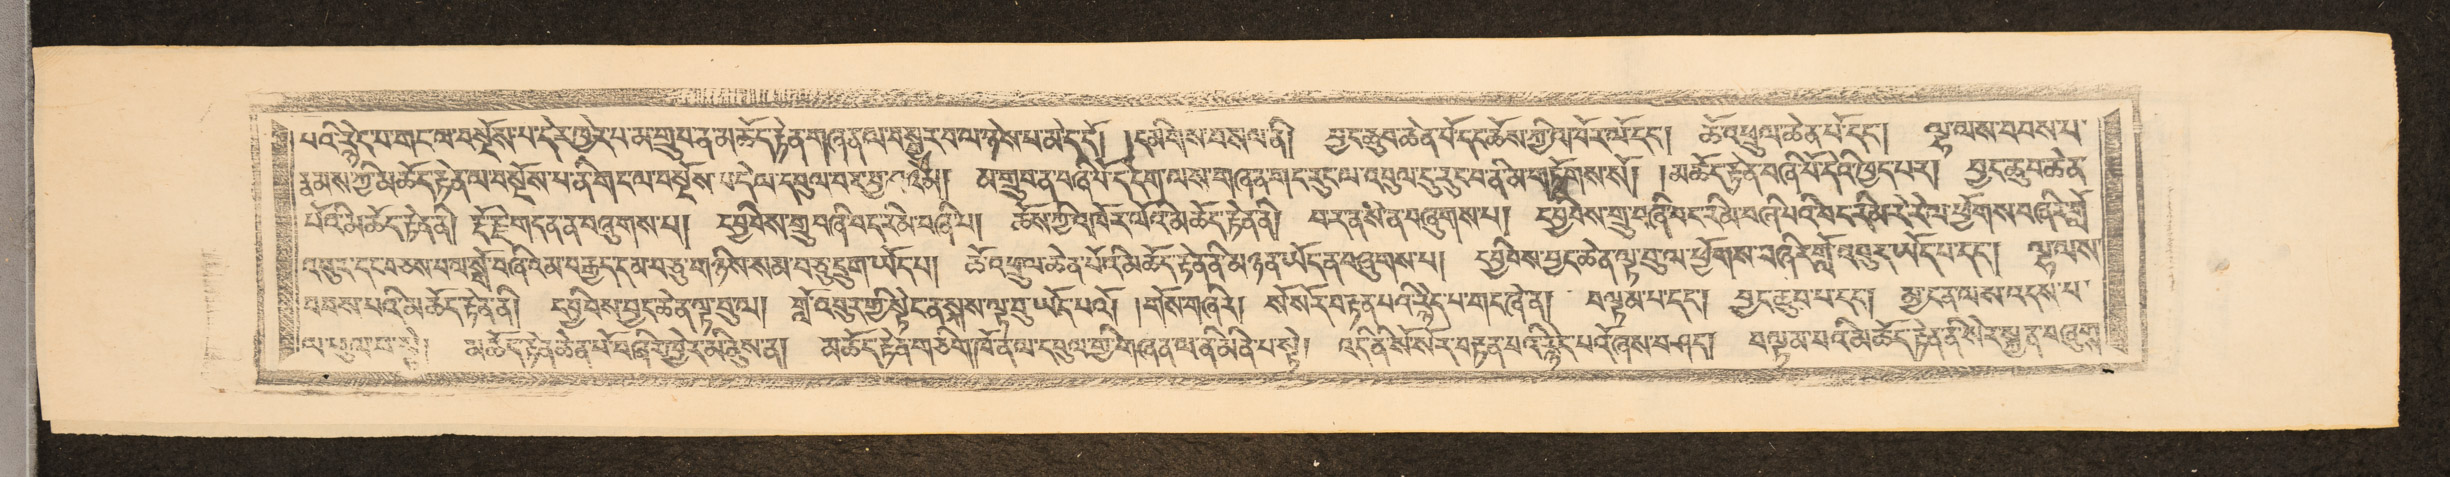པའི་རྙེད་པ་གང་ལ་བསྡོས་པ་དེར་ཁྱེར་བ་མ་གྲུབ་ན་མཆོད་རྟེན་གཞན་ལ་བསྒྱུར་བ་ལ་ཉེས་པ་མེད་དོ། །དམིགས་བསལ་ནི། བྱང་ཆུབ་ཆེན་པོ་དང་ཆོས་ཀྱི་འཁོར་ལོ་དང་། ཆོ་འཕྲུལ་ཆེན་པོ་དང་། ལྷ་ལས་བབས་པ་
རྣམས་ཀྱི་མཆོད་རྟེན་ལ་བསྡོས་པ་ནི་གང་ལ་བསྡོས་པ་དེ་ལ་དབུལ་བར་བྱ་བའམ། མ་གྲུབ་ན་བཞི་པོ་དེ་དག་ལས་གཞན་གང་རུང་ལ་འབུལ་དུ་རུང་བ་ནི་མ་གཏོགས་སོ། །མཆོད་རྟེན་བཞི་པོ་དེའི་ཁྱད་པར། བྱང་ཆུབ་ཆེན་
པོའི་མཆོད་རྟེན་ནི། རྡོ་རྗེ་གདན་ན་བཞུགས་པ། དབྱིབས་གྲུབ་བཞི་བད་རིམ་བཞི་པ། ཆོས་ཀྱི་འཁོར་ལོའི་མཆོད་རྟེན་ནི། བ་ར་ན་སེ་ན་བཞུགས་པ། དབྱིབས་གྲུ་བཞི་བང་རིམ་བཞི་བའི་བང་རིམ་རེ་རེ་ལ་ཕྱོགས་བཞིར་གློ་
འབུར་དང་བཅས་པ་ལ་སྒོ་བཞི་འམ་བརྒྱད་དམ་བཅུ་གཉིས་སམ་བཅུ་དྲུག་ཡོད་པ། ཆོ་འཕྲུལ་ཆེན་པོའི་མཆོད་རྟེན་ནི་མཉན་ཡོད་ན་བཞུགས་པ། དབྱིབས་བྱང་ཆེན་ལྟ་བུ་ལ་ཕྱོགས་བཞིར་གློ་འབུར་ཡོད་པ་དང་། ལྷ་ལས་
བབས་པའི་མཆོད་རྟེན་ནི། དབྱིབས་བྱང་ཆེན་ལྟ་བུ་ལ། གློ་འབུར་གྱི་སྟེང་ན་སྐས་ལྟ་བུ་ཡོད་པའོ། །གོས་གཞིར། སོ་སོར་བརྟན་པའི་རྙེད་པ་གང་ཞེ་ན། བལྟམ་པ་དང་། བྱང་ཆུབ་པ་དང་། མྱ་ངན་ལས་འདས་པ་
ལ་ཕུལ་བ་སྟེ། མཆོད་རྟེན་ཆེན་པོ་བཞིར་ཁྱེར་མི་ནུས་ན། མཆོད་རྟེན་གཅིག་ཁོ་ན་ལ་དབུལ་གྱི་གཞན་ལ་ནི་མིན་པ་སྟེ། འདི་ནི་སོ་སོར་བརྟན་པའི་རྙེད་པའོ་ཞེས་བཤད། བལྟམ་པའི་མཆོད་རྟེན་ནི་སེར་སྐྱ་ན་བཞུགས་